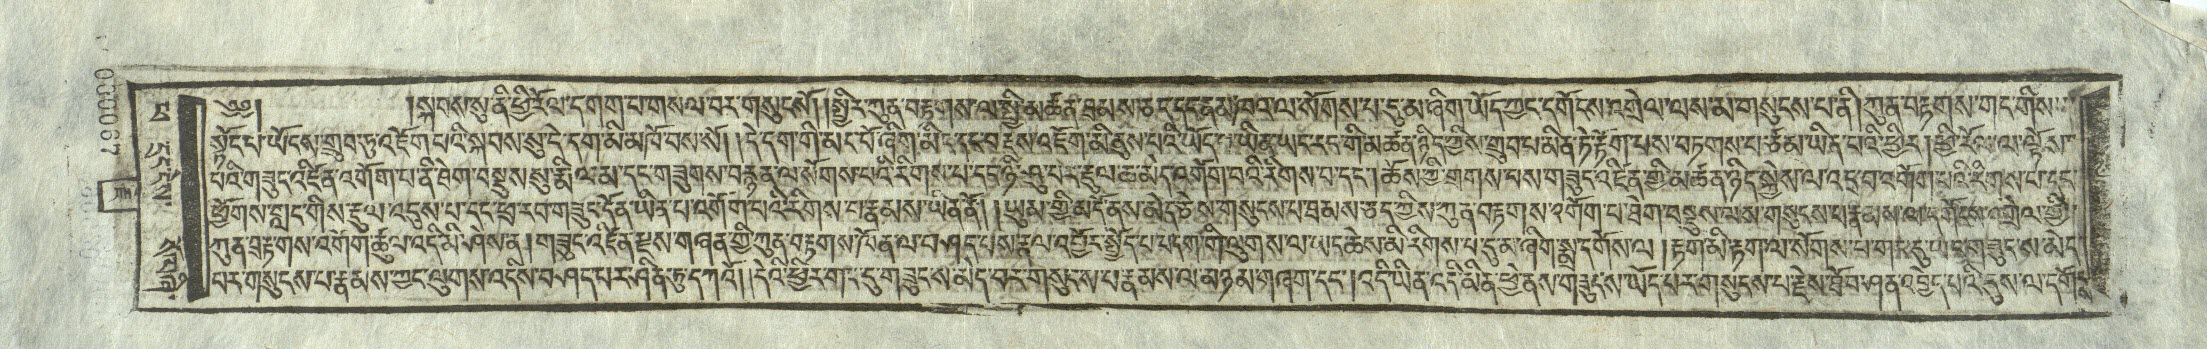༄༅། །སྐབས་སུ་ནི་ཕྱི་རོལ་དགག་པ་གསལ་བར་གསུངས་སོ། །སྤྱིར་ཀུན་བརྟགས་ལ་སྤྱི་མཚན་ཐམས་ཅད་དང་ནམ་མཁའ་ལ་སོགས་བ་དུ་མ་ཞིག་ཡོད་ཀྱང་དགོངས་འགྲེལ་ལས་མ་གསུངས་པ་ནི། ཀུན་བརྟགས་གང་གིས་
སྟང་པ་ཡོངས་གྲུབ་ཏུ་འཇོག་པའི་སྐབས་སུ་དེ་དག་མི་མཁོ་བས་སོ། །དེ་དག་གི་མང་པོ་ཞིག་མིང་དང་བརྡས་འཇོག་མི་ནུས་པའི་ཡོད་པ་ཡིན་ཡང་རང་གི་མཚན་ཉིད་ཀྱིས་གྲུབ་པ་མིན་ཏེ་རྟོག་པས་བཏགས་པ་ཙམ་ཡིན་པའི་ཕྱིར། ཕྱི་རོལ་ལ་ལྟོས་
པའི་གཟུང་འཛིན་འགོག་པ་ནི་ཐེག་བསྡུས་སུ་རྨི་ལམ་དང་གཟུགས་བརྙན་ལ་སོགས་པའི་རིགས་པ་དང་ཉི་ཤུ་པར་རྡུལ་ཆ་མེད་འགོག་པའི་རིགས་པ་དང་། ཆོས་ཀྱི་གྲགས་པས་གཟུང་འཛིན་གྱི་མཚན་ཉིད་སྐྱེས་ལ་འདྲ་བ་འགོག་པའི་རིགས་པ་དང་
ཕྱོགས་གླང་གིས་རྡུལ་འདུས་པ་དང་ཕྲ་རབ་གཟུང་དོན་ཡིན་པ་འགོག་པའི་རིགས་པ་རྣམས་ཡིན་ནོ། །ཡུམ་གྱི་མདོ་ནས་མེད་ཅེས་གསུངས་པ་ཐམས་ཅད་ཀྱིས་ཀུན་བརྟགས་དགོག་པ་ཐེག་བསྡུས་ལས་གསུངས་བ་རྣམས་ལ་དགོངས་འགྲེལ་གྱི་
ཀུན་བརྟགས་འགོག་ཚུལ་འདི་མི་ཤེས་ན། གཟུང་འཛིན་རྫས་གཞན་གྱི་ཀུན་བརྟགས་ཁོ་ན་ལ་བཤད་པས་རྣལ་འབྱོར་སྤྱོད་པ་བདག་གི་ལུགས་ལ་ཡང་ཆེས་མི་རིགས་པ་དུ་མ་ཞིག་སྨྲ་དགོས་ལ། རྟག་མི་རྟག་ལ་སོགས་པ་གང་དུ་ཡང་གཟུང་ས་མེད་
པར་གསུངས་པ་རྣམས་ཀྱང་ལུགས་འདིས་བཤད་པར་ཤིན་ཏུ་དཀའོ། །དེའི་ཕྱིར་གང་དུ་གཟུངས་མེད་པར་གསུངས་པ་རྣམས་ལ་མཉམ་གཞག་དང་། འདི་ཡིན་འདི་མིན་ཕྱེ་ནས་གཟུངས་ཡོད་པར་གསུངས་པ་རྗེས་ཐོབ་ཤན་འབྱེད་པའི་དུས་ལ་དགོངས་